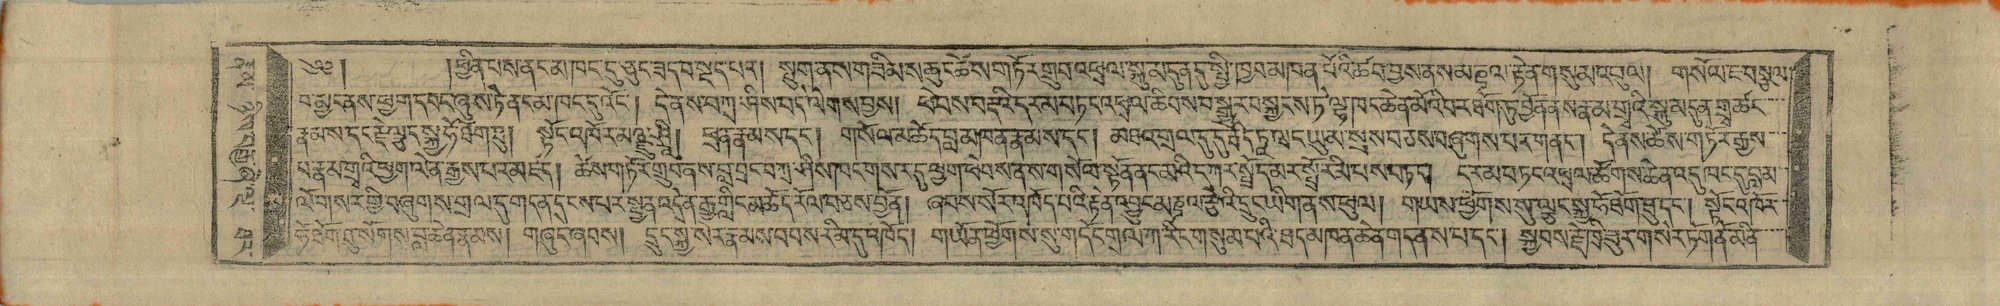༄༅། །ཕྱིན་པས་ནང་མ་ཁང་དུ་ཅུང་ཟད་བསྡད་པར། སྤུག་ནས་གཟིམས་ཆུང་ཚེས་གཏོར་གྲུབ་འཕྲལ་སྐུ་མདུན་དུ་སྤྱི་ཁྱབ་མཁན་པོའི་ཚབ་བྱས་ནས་མཎྜལ་རྟེན་གསུམ་འབུལ། གསོལ་ཇ་བསྩལ་
བ་མྱང་ནས་ཕྱག་དབང་ཞུས་ཏེ་ནང་མ་ཁང་དུ་འོང་། དེ་ནས་བཀྲ་ཤིས་བདེ་ལེགས་བྱས། ཕེབས་བརྡའི་དར་མ་བཏང་འཕྲལ་ཆིབས་བསྒྱུར་བསྐྱངས་ཏེ་ལྷ་ཁང་ཆེན་མོའི་བར་ཐོག་ཏུ་བྱོན་ནས་རྣམ་གྲྭའི་སྐུ་མདུན་གྲྭ་ཚང་
རྣམས་དང་རྗེ་ལྕང་སྐྱ་ཧོ་ཐོག་ཐུ། སྟོང་འཁོར་མཉྫུ་ཤྲཱི། ཕྲན་རྣམས་དང་། གསོལ་མཆོད་བླ་མཁན་རྣམས་དང་། མཐའ་གྲལ་དུ་དུ་རྦིད་ཏཱ་ཝང་ཡུམ་སྲས་བཅས་བཞུགས་པར་གནང་། དེ་ནས་ཚེས་གཏོར་རྒྱས་
པ་རྣམ་གྲྭའི་ཕྱག་ལེན་རྒྱས་པར་མཛད། ཚེས་གཏོར་གྲུབ་ནས་བླ་བྲང་བཀྲ་ཤིས་ཁང་གསར་དུ་ཕྱག་ཕེབས་ནས་གསོལ་སྟོན་ནང་མའི་དཀར་སྤྲོ་དམར་སྤྲོ་རིམ་པས་བཏང་། དར་མ་བཏང་འཕྲ་ཚོགས་ཆེན་འདུ་ཁང་དུ་བླ་མ་
ལོ་གསར་གྱི་བཞུགས་གྲལ་དུ་གདན་དྲངས་པར་སྤྱན་འདྲེན་རྒྱ་གླིང་མཆོད་རོལ་བཅས་བྱོན། ཞབས་སོར་འཁོད་པའི་རྟེན་འབྱུང་མཎྜལ་རྩེའི་དྲུང་ཡིག་ནས་ཕུལ། གཡས་ཕྱོགས་སུ་ལྕང་སྐྱ་ཧོ་ཐོག་ཐུ་དང་། སྟོང་འཁོར་
ཧོ་ཐོག་ཐུ་སོགས་བླ་ཆེན་རྣམས། གཞུང་ཞབས། དྲུང་སྐྱེ་སེར་རྣམས་བབས་རིམ་དུ་འཁོད། གཡོན་ཕྱོགས་སུ་གདོང་གྲལ་ཀ་རིང་གསུམ་པའི་ཐད་མཁན་ཆེན་གདན་ས་པ་དང་། སྐྱབས་རྗེ་ཁྲི་ཟུར་གསེར་ཏོག་ནོ་མིན་